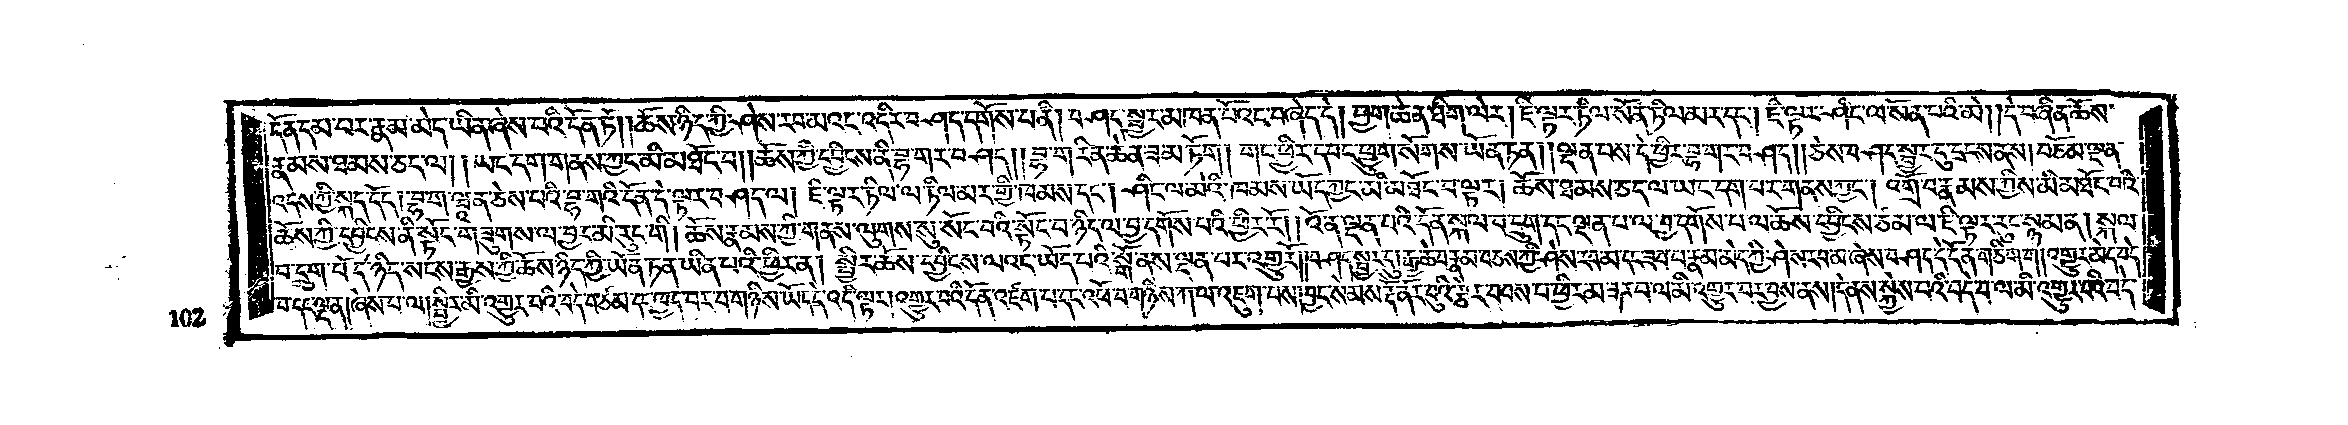དོན་དམ་པར་རྣམ་མེད་ཡིན་ཞེས་པའི་དོན་ཏོ། །ཆོས་ཉིད་ཀྱི་ཤེས་རབ་མའང་འདིར་བཤད་དགོས་པ་ནི། བཤད་སྦྱར་མཁན་པོའང་བཞེད་དེ། ཕྱག་ཆེན་ཐིག་ལེར། ཇི་ལྟར་ཏིལ་སོན་ཏིལ་མར་དང་། ཇི་ལྟར་ཤིང་ལ་སོན་པའི་མེ། །དེ་བཞིན་ཆོས་
རྣམས་ཐམས་ཅད་ལ། །ཡང་དག་གནས་ཀྱང་མི་མཐོང་བ། །ཆོས་ཀྱི་དབྱིངས་ནི་བྷ་གར་བཤད། །བྷ་ག་རིན་ཆེན་ཟ་མ་ཏོག །གང་ཕྱིར་དབང་ཕྱུག་སོགས་ཡོན་ཏན། །ལྡན་པས་དེ་ཕྱིར་བྷ་གར་བཤད། །ཅེས་བཤད་སྦྱར་དུ་དྲངས་ནས། བཅོམ་ལྡན་
འདས་ཀྱི་སྐད་དོད། བྷ་ག་ཝཱན་ཅེས་པའི་བྷ་གའི་དོན་དེ་ལྟར་བཤད་ལ། ཇི་ལྟར་ཏིལ་ལ་ཏིལ་མར་གྱི་ཁམས་དང་། ཤིང་ལ་མེའི་ཁམས་ཡོད་ཀྱང་མི་མཐོང་བ་ལྟར། ཆོས་ཐམས་ཅད་ལ་ཡང་དག་པར་གནས་ཀྱང་། འགྲོ་བ་རྣམས་ཀྱིས་མི་མཐོང་བའི་
ཆོས་ཀྱི་དབྱིངས་ནི་སྟོང་གཟུགས་ལ་བྱར་མི་རུང་གི །ཆོས་རྣམས་ཀྱི་གནས་ལུགས་སུ་སོང་བའི་སྟོང་པ་ཉིད་ལ་བྱ་དགོས་པའི་ཕྱིར་རོ། །འོ་ན་ལྡན་པའི་དོན་སྐལ་བ་དྲུག་དང་ལྡན་པ་ལ་བྱ་དགོས་པ་ལ་ཆོས་དབྱིངས་ཙམ་ལ་ཇི་ལྟར་རུང་སྙམ་ན། སྐལ་
བ་དྲུག་པོ་དེ་ཉིད་སངས་རྒྱས་ཀྱི་ཆོས་ཉིད་ཀྱི་ཡོན་ཏན་ཡིན་པའི་ཕྱིར་ན། སྤྱིར་ཆོས་དབྱིངས་ལའང་ཡོད་པའི་སྒོ་ནས་ལྡན་པར་འགྱུར་རོ། །བཤད་སྦྱར་དུ། རྒྱ་ཆེ་བ་རྣམ་བཅས་ཀྱི་ཤེས་རབ་མ་དང་ཟབ་པ་རྣམ་མེད་ཀྱི་ཤེས་རབ་མ་ཞེས་བཤད་དེ་དོན་གཅིག་གོ་?། །འགྱུར་མེད་བདེ་
བ་དང་ལྡན། ཞེས་པ་ལ། སྤྱིར་མི་འགྱུར་བའི་བདེ་བ་ཙམ་དང་ཁྱད་པར་བ་གཉིས་ཡོད་དེ་འདི་ལྟར། འགྱུར་བའི་དོན་འཛག་པ་དང་འཕོ་བ་གཉིས་ཀ་ལ་འཇུག་པས། བྱང་སེམས་རྡོ་ནོར་བུའི་རྩེར་བབས་པ་ཕྱིར་མ་ཟགས་པ་ལ་མི་འགྱུར་བར་བྱས་ནས། དེ་ནས་སྐྱེས་པའི་བདེ་བ་ལ་མི་འགྱུར་བའི་བདེ་